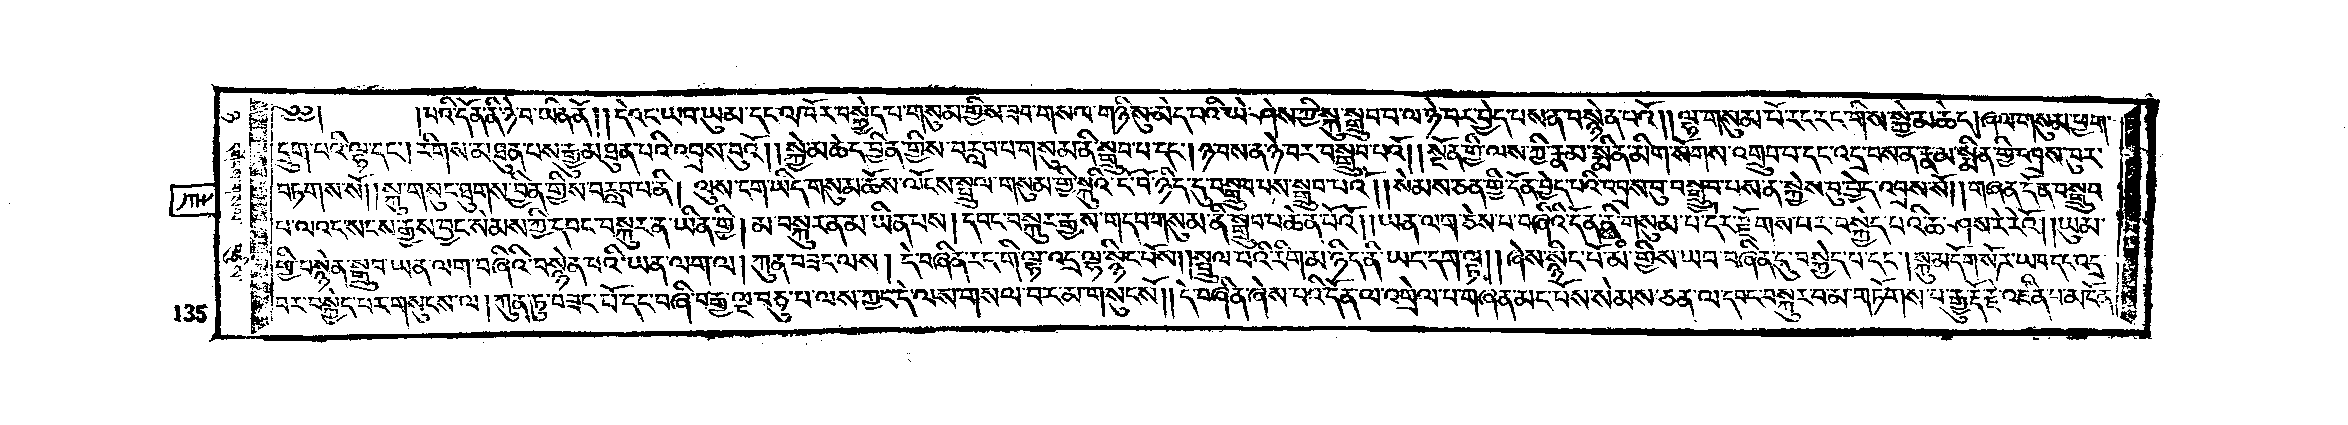༄༅། །པའི་དོན་ནི་ཉེ་བ་ཡིན་ནོ། །དེའང་ཡབ་ཡུམ་དང་འཁོར་བསྐྱེད་པ་གསུམ་གྱིས་ཟབ་གསལ་གཉིས་སུ་མེད་པའི་ཡེ་ཤེས་ཀྱི་སྐུ་སྒྲུབ་པ་ལ་ཉེ་བར་བྱེད་པས་ན་བསྙེན་པའོ། །ལྷ་གསུམ་པོ་རང་རང་གིས་སྐྱེ་མཆེད། ཞལ་གསུམ་ཕྱག་
དྲུག་པའི་ལྷ་དང་། རིགས་མཐུན་པས་རྒྱུ་མཐུན་པའི་འབྲས་བུའོ། །སྐྱེ་མཆེད་བྱིན་གྱིས་བརླབ་པ་གསུམ་ནི་སྒྲུབ་པ་དང་། ཉ་བས་ན་ཉེ་བར་བསྒྲུབ་པའོ། །སྔོན་གྱི་ལས་ཀྱི་རྣམ་སྨིན་མིག་སོགས་འགྲུབ་པ་དང་འདྲ་བས་ན་རྣམ་སྨིན་གྱི་འབྲས་བུར་
བཏགས་སོ། །སྐུ་གསུང་ཐུགས་བྱིན་གྱིས་བརླབ་པ་ནི། ལུས་ངག་ཡིད་གསུམ་ཆོས་ལོངས་སྤྲུལ་གསུམ་གྱི་སྐུའི་ངོ་བོ་ཉིད་དུ་བསྒྲུབ་པས་སྒྲུབ་པའོ། །སེམས་ཅན་གྱི་དོན་བྱེད་པའི་འབྲས་བུ་བསྒྲུབ་པས་ན་སྐྱེས་བུ་བྱེད་འབྲས་སོ། །གཞན་དོན་བསྒྲུབ་
པ་ལའང་སངས་རྒྱས་བྱང་སེམས་ཀྱི་དབང་བསྐུར་ན་ཡིན་གྱི། མ་བསྐུར་ན་མ་ཡིན་པས། དབང་བསྐུར་རྒྱས་གདབ་གསུམ་ནི་སྒྲུབ་པ་ཆེན་པོའོ། །ཡན་ལག་ཅེས་པ་བཞིའི་དོན་ནི་གསུམ་པ་དེར་རྫོགས་པར་བསྐྱེད་པའི་ཆ་ཤས་རེ་རེའོ། །ཡུམ་
གྱི་བསྙེན་སྒྲུབ་ཡན་ལག་བཞིའི་བསྙེན་པའི་ཡན་ལག་ལ། ཀུན་བཟང་ལས། དེ་བཞིན་རང་གི་ལྷ་འདྲ་ལྷ་སྙིང་པོས། །སྤྲུལ་པའི་རིག་མ་ཉིད་ནི་ཡང་དག་ལྟ། །ཞེས་སྙིང་པོ་མཾ་གྱིས་ཡབ་བཞིན་དུ་བསྐྱེད་པ་དང་། སྐུ་མདོག་སོགས་ཡབ་དང་འདྲ་
བར་བསྐྱེད་པར་གསུངས་ལ། ཀུན་ཏུ་བཟང་པོ་དང་བཞི་བརྒྱ་ལྔ་བཅུ་པ་ལས་ཀྱང་དེ་ལས་གསལ་བར་མ་གསུངས་སོ། །དེ་བཞིན་ཞེས་པའི་དོན་ལ་འགྲེལ་པ་གཞན་མང་པོས་སེམས་ཅན་ལ་དབང་བསྐུར་བ་མ་གཏོགས་པ་རྒྱུ་རྡོ་རྗེ་འཛིན་པ་མངོན་